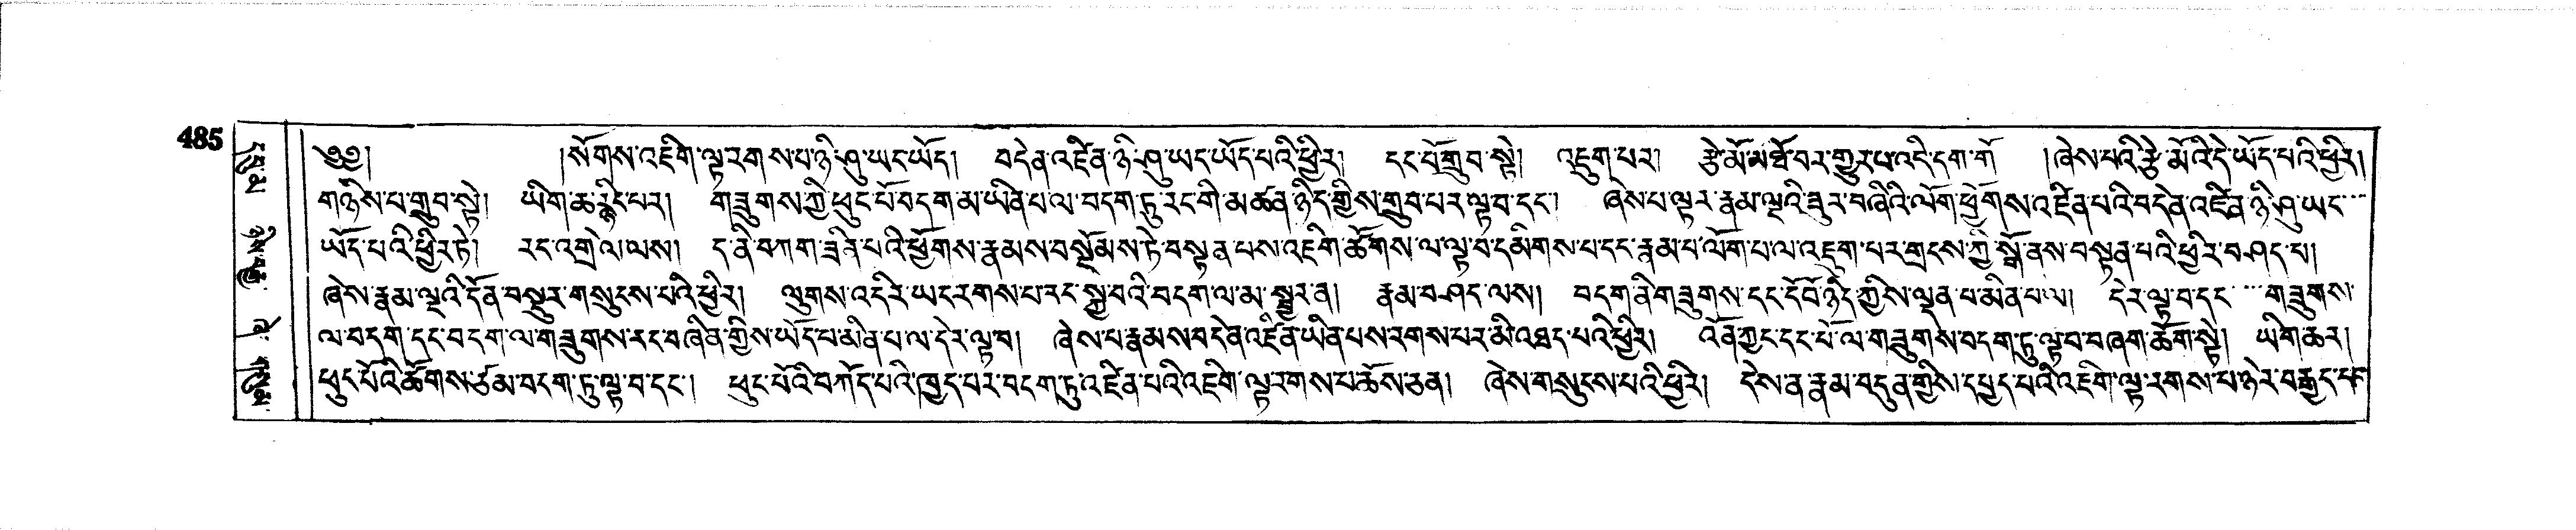༄༅། །སོགས་འཇིག་ལྟ་རགས་པ་ཉི་ཤུ་ཡང་ཡོད། བདེན་འཛིན་ཉི་ཤུ་ཡང་ཡོད་པའི་ཕྱིར། དང་པོ་གྲུབ་སྟེ། འཇུག་པར། རྩེ་མོ་མཐོ་བར་གྱུར་པ་འདི་དག་གོ །ཞེས་པའི་རྩེ་མོའི་དེ་ཡོད་པའི་ཕྱིར།
གཉིས་པ་གྲུབ་སྟེ། ཡིག་ཆ་རྙིང་པར། གཟུགས་ཀྱི་ཕུང་པོ་བདག་མ་ཡིན་པ་ལ་བདག་ཏུ་རང་གི་མཚན་ཉིད་ཀྱིས་སྒྲུབ་པར་ལྟ་བ་དང་། ཞེས་པ་ལྟར་རྣམ་ལྔའི་ཟུར་བཞིའི་ལོག་ཕྱོགས་འཛིན་པའི་བདེན་འཛིན་ཉི་ཤུ་ཡང་
ཡོད་པའི་ཕྱིར་ཏེ། རང་འགྲེལ་ལས། ད་ནི་བཀག་ཟིན་པའི་ཕྱོགས་རྣམས་བསྡོམས་ཏེ་བསྟན་པས་འཇིག་ཚོགས་ལ་ལྟ་བ་དམིགས་པ་དང་རྣམ་པ་ལོག་པ་ལ་འཇུག་པར་གྲངས་ཀྱི་སྒོ་ནས་བསྟན་པའི་ཕྱིར་བཤད་པ།
ཞེས་རྣམ་ལྔའི་དོན་བསྡུར་གསུངས་པའི་ཕྱིར། ལུགས་འདིར་ཡང་རགས་པ་རང་སྐྱ་བའི་བདག་ལ་མ་སྦྱར་ན། རྣམ་བཤད་ལས། བདག་ནི་གཟུགས་དང་ངོ་བོ་ཉིད་ཀྱིས་ལྡན་པ་མིན་པ་ལ། དེར་ལྟ་བ་དང་གཟུགས་
ལ་བདག་དང་བདག་ལ་གཟུགས་རང་བཞིན་གྱིས་ཡོད་པ་མིན་པ་ལ་དེར་ལྟ་བ། ཞེས་པ་རྣམས་བདེན་འཛིན་ཡིན་པས་རགས་པར་མི་འཐད་པའི་ཕྱིར། འོན་ཀྱང་དང་པོ་ལ་གཟུགས་བདག་ཏུ་ལྟ་བ་བཞག་ཆོག་སྟེ། ཡིག་ཆར།
ཕུང་པོའི་ཚོགས་ཙམ་བདག་ཏུ་ལྟ་བ་དང་། ཕུང་པོའི་བཀོད་པའི་ཁྱད་པར་བདག་ཏུ་འཛིན་པའི་འཇིག་ལྟ་རགས་པ་ཆོས་ཅན། ཞེས་གསུངས་པའི་ཕྱིར། དེས་ན་རྣམ་བདུན་གྱིས་དཔྱད་པའི་འཇིག་ལྟ་རགས་པ་ཉེར་བརྒྱད་དང་